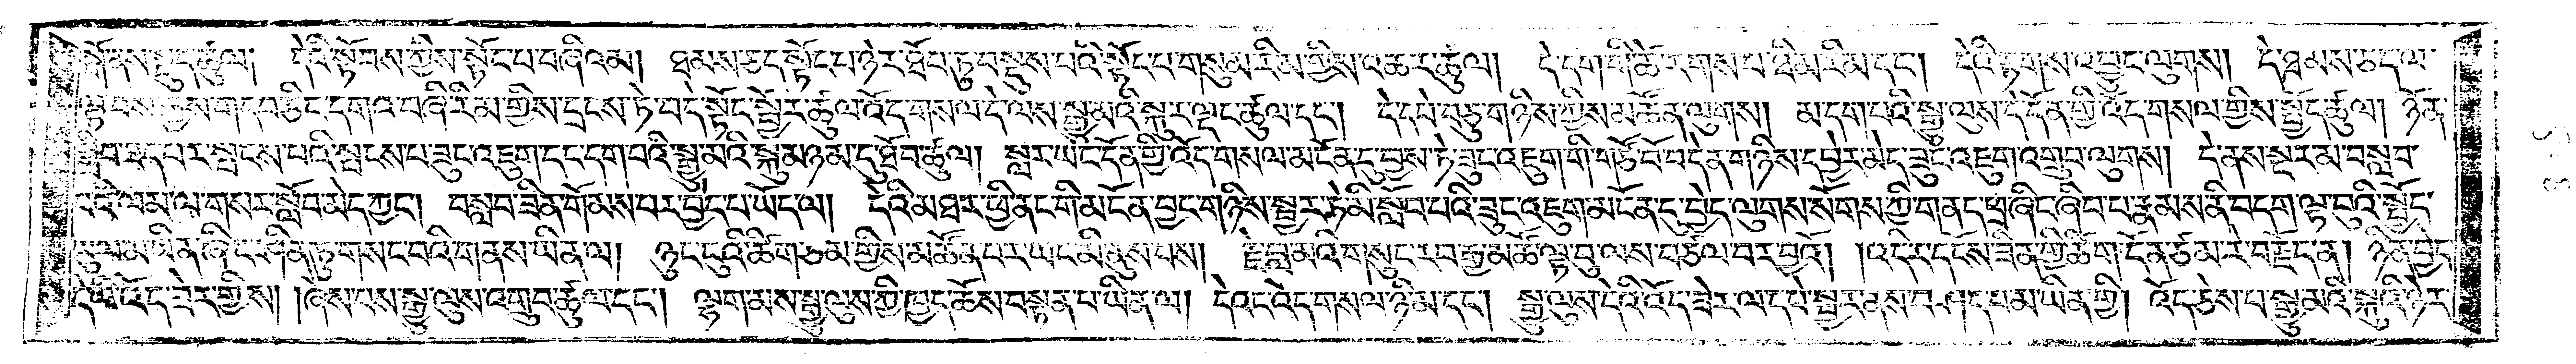སྒོ་ནས་སྡུད་ཚུལ། དེའི་སྟོབས་ཀྱིས་སྟོང་པ་བཞིའམ། ཐམས་ཅད་སྟོང་པ་ཉེར་ཐོབ་ཏུ་བསྡུས་པའི་སྟོང་པ་གསུམ་རིམ་གྱིས་འཆར་ཚུལ། དེ་དག་གི་ཚེ་རགས་པ་ཐིམ་རིམ་དང་། དེའི་རྟགས་འབྱུང་ལུགས། དེ་ཐམས་ཅད་ལ་
ལྟ་བས་རྒྱས་གདབ་ཅིང་དགའ་བཞི་རིམ་གྱིས་དྲངས་ཏེ་བདེ་སྟོང་སྦྱོར་ཚུལ་འོད་གསལ་དེ་ལས་སྒྱུ་མའི་སྐུར་ལྡང་ཚུལ་དང་། དེ་དཔེ་བཅུ་གཉིས་ཀྱིས་མཚོན་ལུགས། མེ་དག་པའི་སྒྱུ་ལུས་དེ་དོན་གྱི་འོད་གསལ་གྱིས་སྤྱོད་ཚུལ། ཉོན་
སྒྲིབ་ཟད་པར་སྤངས་པའི་སྤངས་པ་ཟུང་འཇུག་དང་དག་པའི་སྒྱུ་མའི་སྐུ་མཉམ་དུ་ཐོབ་ཚུལ། སླར་ཡང་དོན་གྱི་འོད་གསལ་མངོན་དུ་བྱས་ཏེ་ཟུང་འཇུག་གི་གཙོ་བོ་བདེན་གཉིས་དབྱེར་མེད་ཟུང་འཇུག་འགྲུབ་ལུགས། དེ་ནས་སྔར་མ་བསླབ་
པའི་ལམ་ལ་གསར་སློབ་མེད་ཀྱང་། བསླབ་ཟིན་གོམས་པར་བྱེད་པ་ཡོད་ལ། དེའི་མཐར་ཕྱི་ནང་གི་མངོན་བྱང་གཉིས་སྦྱར་ཏེ་མི་སློབ་པའི་ཟུང་འཇུག་མངོན་དུ་བྱེད་ལུགས་སོགས་ཀྱི་གནད་ཕྲ་ཞིང་ཞིབ་པ་རྣམས་ནི་བདག་ལྟ་བུའི་སྤྱོད་
ཡུལ་མ་ཡིན་ཞིང་ཤིན་ཏུ་གསང་བའི་གནས་ཡིན་ལ། ཉུང་ངུའི་ཚིག་ཙམ་གྱིས་མཚོན་པར་ཡང་མི་ནུས་པས། རྗེ་བླ་མའི་གསུང་རབ་རྒྱ་མཚོ་ལྟ་བུ་ལས་བཙལ་བར་བྱའོ། །འདིར་དངོས་ཟིན་གྱི་ཚིག་དོན་ཙམ་རེ་བརྗོད་ན། ཉིན་བྱེད་
དེ་ཡི་འོད་ཟེར་གྱིས། །ཞེས་པས་སྒྱུ་ལུས་འགྲུབ་ཚུལ་དང་། ལྷག་མས་སྒྱུ་ལུས་ཀྱི་ཁྱད་ཆོས་བསྟན་པ་ཡིན་ལ། དེའང་འོད་གསལ་ཉི་མ་དང་། སྒྱུ་ལུས་དེའི་འོད་ཟེར་ལ་དཔེ་སྦྱར་ནས་བཤད་པ་མ་ཡིན་གྱི། འོད་ཅེས་པ་སྒྱུ་མའི་སྐུའི་ཉེར་